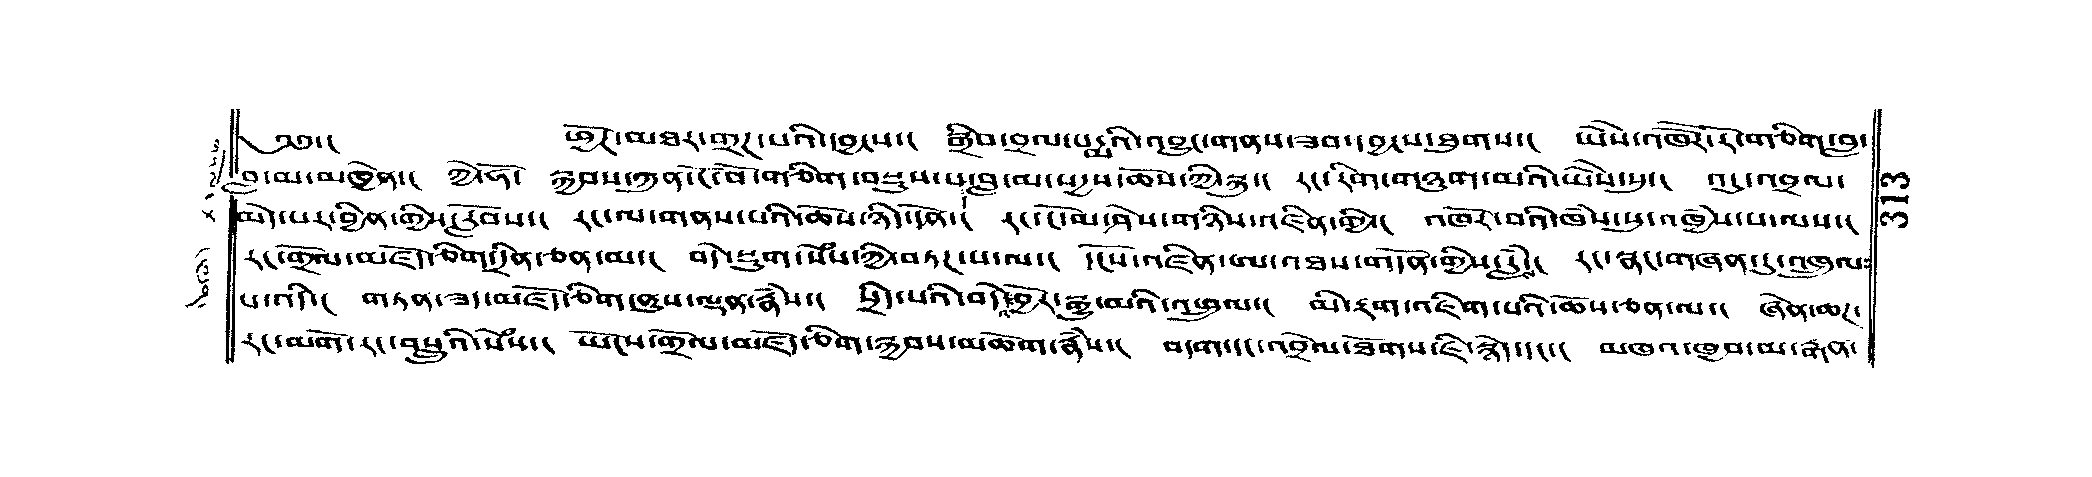ཕྱོགས་མཐར་གྲགས་པའི་དབྱངས། །སྒྲིབ་བྲལ་པདྨའི་འབྱུང་གནས་ཟབ་དབྱངས་ཐུགས། །ཡེ་ཤེས་འཁོར་ལོ་རོ་གཅིག་བླ་
བླ་མ་མཁྱེན། ཀྱེ་ཧོ། སྐྱབས་ཀུན་ངོ་བོ་གཅིག་བསྡུས་པ། །བླ་མ་སངས་རྒྱས་ཆོས་ཀྱི་སྐུ། །རང་རིག་གཉུག་མའི་ཡེ་ཤེས་སུ། །འདུ་འབྲལ་
མེད་པར་བྱིན་གྱིས་རློབས། །རང་ལ་གནས་པའི་ཆོས་ཉིད་དོན། །རང་ངོ་མ་ཤེས་གཉིས་འཛིན་གྱི། །འཁོར་བའི་ཁམས་སུ་འཁྱམས་པ་ལས། །
རང་གྲོལ་མཛོད་ཅིག་དྲིན་ཅན་མ། །བདེ་སྡུག་སེམས་ཀྱི་བཏགས་པ་ལ། །དངོས་འཛིན་ཨ་འཐས་གདོན་གྱིས་རླམས། །རང་སྣང་གཞན་དུ་འཁྲུལ་
པ་འདི། །གཏན་ཟད་མཛོད་ཅིག་ནུས་ལྡན་རྣམས། །སྲིད་པའི་བདེ་འབྱོར་སྒྱུ་མའི་འཕྲུལ། །མི་རྟག་འཇིག་པའི་ཆོས་ཅན་ལ། །ཞེན་ཆགས་
རང་མགོ་རང་བསླུའི་སེམས། །ཡོངས་གྲོལ་མཛོད་ཅིག་སྐྱབས་མཆོག་རྣམས། །བདག་དང་འབྲེལ་ཐོགས་ཇི་སྙེད་དང་། །མཁའ་ཁྱབ་མ་རྒན་